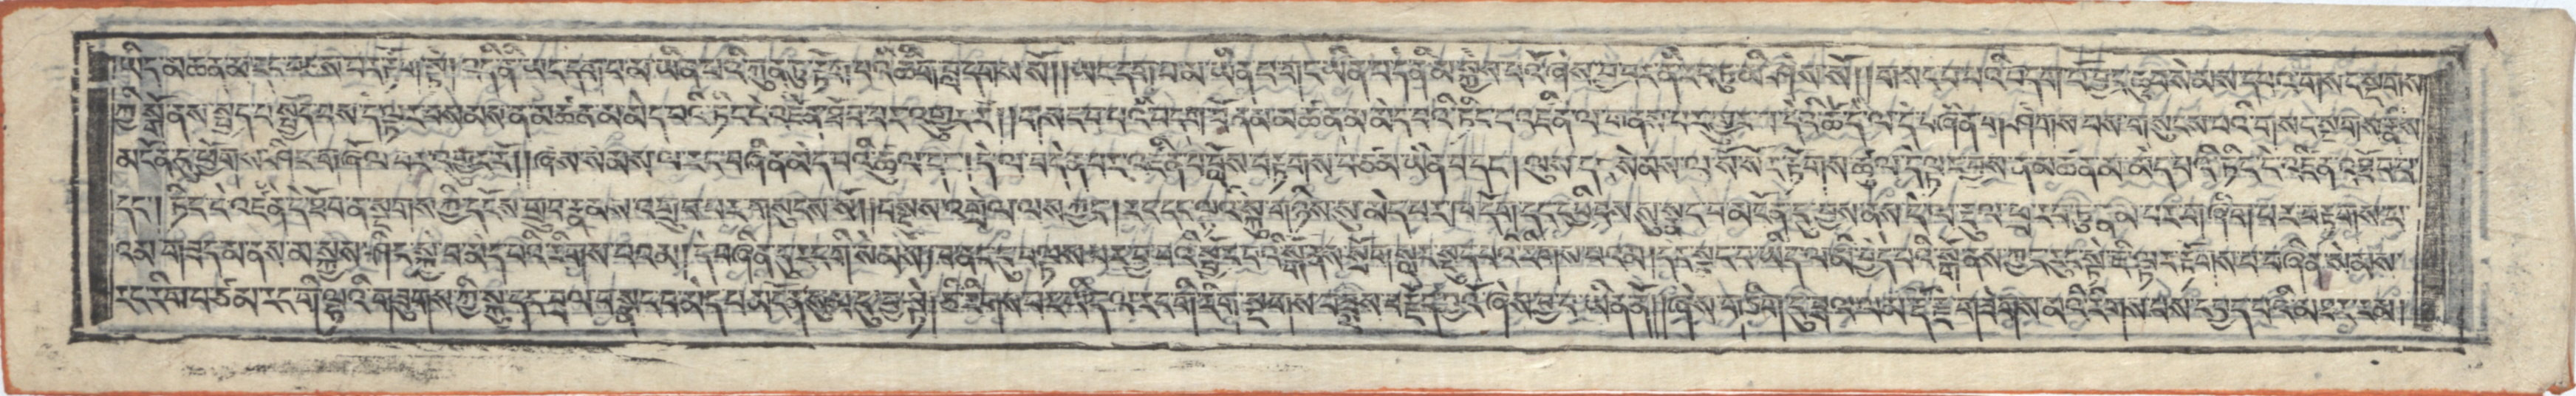ཡིད་མཚན་མ་དང་བཅས་པར་རྟོག་སྟེ། འདི་ནི་ཡང་དག་པ་མ་ཡིན་པའི་ཀུན་ཏུ་རྟོག་པའི་ཚིག་བླ་དགོས་སོ། །ཡང་དག་པ་མ་ཡིན་པ་གང་ཡིན་པ་དེ་ནི་མ་སྐྱེས་པའོ་ཞེས་བྱ་བར་ནི་རབ་ཏུ་མི་ཤེས་སོ། །གསང་བ་པའི་བདག་པོ་བྱང་ཆུབ་སེམས་དཔའ་གསང་སྔགས་
ཀྱི་སྒོ་ནས་སྤྱད་པ་སྤྱོད་པས་དེ་ལྟར་བསམས་ན་མཚན་མ་མེད་པའི་ཏིང་ངེ་འཛིན་ཐོབ་པར་འགྱུར་རོ། །གསང་བ་པའི་བདག་པོ་ནམ་མཚན་མ་མེད་པའི་ཏིང་ང་འཛིན་ལ་གནས་པར་གྱུར་བ་དེའི་ཚེ་དེ་ལ་དེ་བཞིན་གཤེགས་པས་གསུངས་པའི་གསང་སྔགས་རྣམས་
མངོན་དུ་ཕྱོགས་ཤིང་གཞོལ་བར་འགྱུར་རོ། །ཞེས་སེམས་ལ་རང་བཞིན་མེད་པའི་ཚུལ་དང་། དེ་ལ་བདེན་པར་འཛིན་པ་བློས་བརྟགས་པ་ཙམ་ཡིན་པ་དང་། ལུས་དང་སེམས་ལ་སོ་སོར་རྟོགས་ཚུལ་དེ་ལྟར་བྱས་ན་མཚན་མ་མེད་པའི་ཏིང་ངེ་འཛིན་འཐོབ་པ་
དང་། ཏིང་ངེ་འཛིན་དེ་ཐོབ་ན་སྔགས་ཀྱི་དངོས་གྲུབ་རྣམས་འགྲུབ་པར་གསུངས་སོ། །བསྡུས་འགྲེལ་ལས་ཀྱང་། རང་དང་ལྷའི་སྐུ་གཉིས་སུ་མེད་པར་ཁ་དོག་དང་དབྱིབས་སུ་སྣང་བ་མངོན་དུ་བྱས་ནས་དེ་ལ་རྡུལ་ཕྲ་རབ་ཏུ་རྣམ་པར་གཞིག་པར་བརྟགས་པ་
འམ་གཟད་མ་ནས་མ་སྐྱེས་ཤིང་སྐྱེ་བ་མེད་པའི་རིགས་པའམ། དེ་བཞིན་དུ་རང་གི་སེམས་ཁ་ནང་དུ་བལྟས་པར་བྱ་བའི་སྦྱོར་བའི་སྒོ་ནས་སྲོག་སླར་སྡུད་པའི་རིགས་པའམ། དེར་སྣང་བ་ཡིད་ལ་མི་བྱེད་པའི་སྒོ་ནས་ཀྱང་རུང་སྟེ་ཇི་ལྟར་རྟོགས་པ་བཞིན་སེམས་
རང་རིག་པ་ཙམ་རང་གི་ལྷའི་གཟུགས་ཀྱི་སྐུ་དང་བྲལ་བ་སྣང་བ་མེད་པ་མངོན་སུམ་དུ་བྱ་སྟེ། ཅི་རིགས་པར་ཡིད་ལ་རང་གི་རིག་སྔགས་བཟླས་བརྗོད་བྱའོ་ཞེས་བྱ་བ་ཡིན་ནོ། །ཞེས་གཅིག་དུ་བྲལ་ལམ་རྡོ་རྗེ་གཟེགས་མའི་རིགས་པས་དཔྱད་པའི་མཐར་རམ།